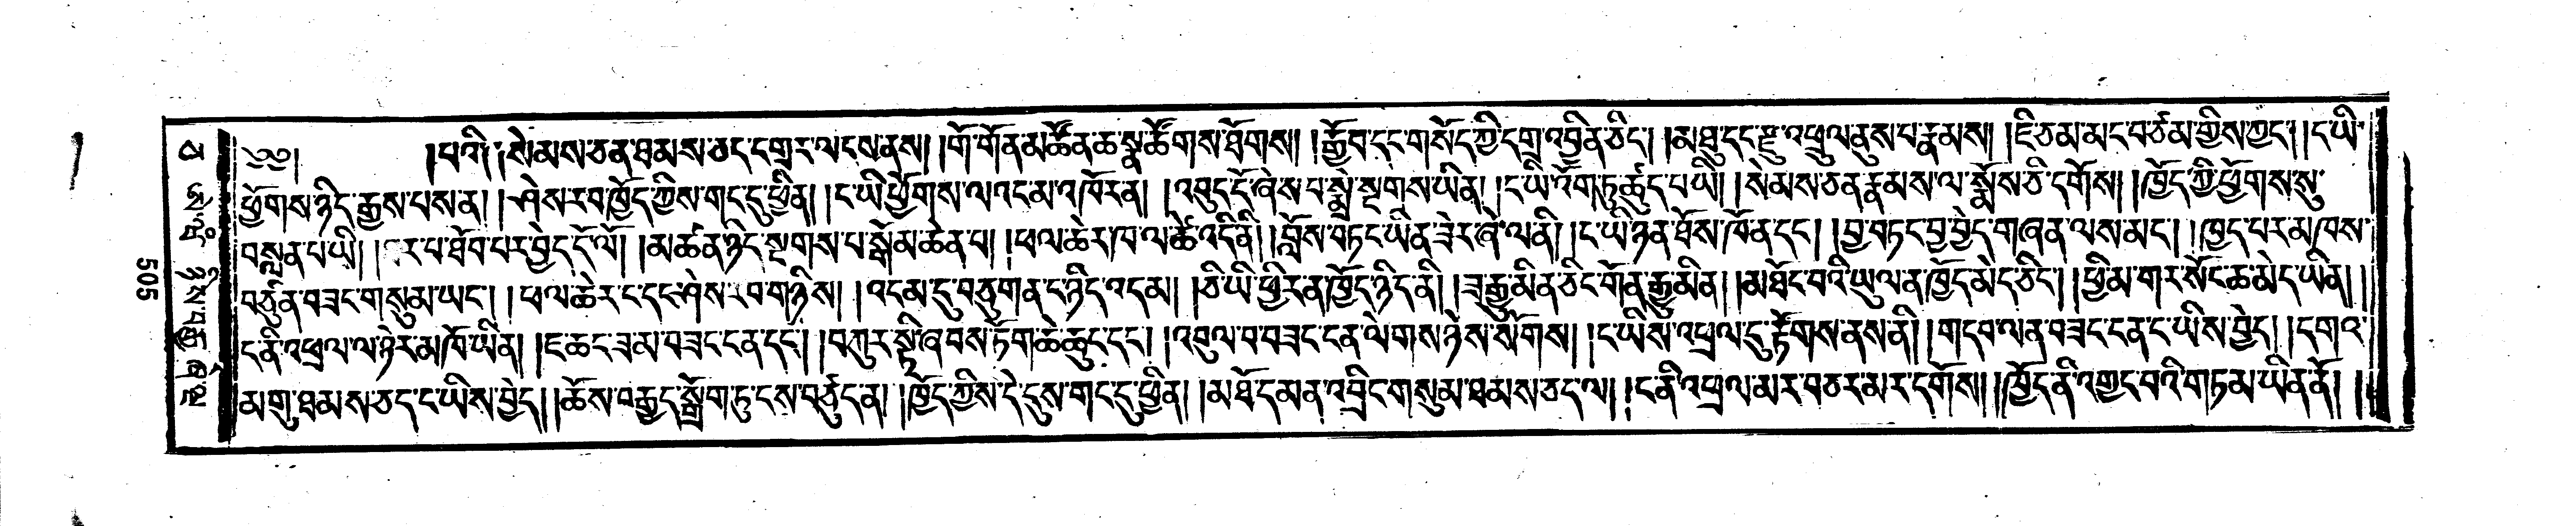༄༅། །པའི༑ ༑སེམས་ཅན་ཐམས་ཅད་དགྲར་ལངས་ནས། །གོ་གོན་མཚོན་ཆ་སྣ་ཚོགས་ཐོགས། །རྒྱོབ་དང་གསོད་ཀྱི་དགྲ་འབྱིན་ཅིང་། །མཐུ་དང་རྡུ་འཕྲུལ་ནུས་པ་རྣམས། །ཇི་ཙམ་མང་བ་ཙམ་གྱིས་ཀྱང་། །ང་ཡི་
ཕྱོགས་ཉིད་རྒྱས་པས་ན། །ཤེས་རབ་ཁྱོད་ཀྱིས་གང་དུ་ཕྱིན། །ང་ཡི་ཕྱོགས་ལའང་མ་འཁོར་ན། །འབུད་དོ་ཞེས་པ་སྨྲེ་སྔགས་ཡིན། །ང་ཡི་འོག་ཏུ་ཚུད་པ་ཡི། །སེམས་ཅན་རྣམས་ལ་སྨོས་ཅི་དགོས། །ཁྱོད་ཀྱི་ཕྱོགས་སུ་
བསླན་པ་ཡི། །ཐར་པ་ཐོབ་པར་བྱེད་དོ་ལོ། །མཚན་ཉིད་སྔགས་པ་སྒོམ་ཆེན་པ། །ཕལ་ཆེར་ཁ་ལ་ཚེ་འདི་ནི། །བློས་བཏང་ཡིན་ཟེར་ཞེ་ལ་ནི། །ང་ཡི་ཉན་ཐོས་ཁོ་ན་དང་། །བྱ་བཏང་བྱ་བྱེད་གཞན་ལས་མང་། །ཁྱད་པར་མཁས་
བཙུན་བཟང་གསུམ་ཡང་། །ཕལ་ཆེར་ང་དང་ཤེས་རབ་གཉིས། །འདམ་དུ་བཅུག་ན་ང་ཉིད་འདམ། །ཅི་ཡི་ཕྱིར་ན་ཁྱོད་ཉིད་ནི། །ཟ་རྒྱུད་མིན་ཅིང་གོན་རྒྱུ་མིན། །མཐོང་བའི་ཡུལ་ན་ཁྱོད་མེད་ཅིང་། །ཕྱི་མ་གར་སོང་ཆ་མེད་ཡིན། །
ང་ནི་འབྲལ་ལ་ཉེར་མཁོ་ཡིན། །ཇ་ཆང་ཟ་མ་བཟང་ངན་དང་། །བཀུར་སྟི་ཞབས་ཏོག་ཆེ་ཆུང་དང་། །འབུལ་བ་བཟང་ངན་ལེགས་ཉེས་སོགས། །ང་ཡིས་འཕྲལ་དུ་རྟོགས་ནས་ནི། །གདབ་ལན་བཟང་ངན་ང་ཡིས་བྱེད། །དགའ་
མགུ་ཐམས་ཅད་ང་ཡིས་བྱེད། །ཆོས་བརྒྱད་སྒྲོག་ཏུ་ངས་བཙུད་ན། །ཁྱོད་ཀྱིས་དེ་དུས་གང་དུ་ཕྱིན། །མཐོ་དམན་འབྲིང་གསུམ་ཐམས་ཅད་ལ། །ང་ནི་འཕྲལ་མར་བཅར་མར་དགོས། །ཁྱོད་ནི་འགྱང་བའི་གཏམ་ཡིན་ནོ། །